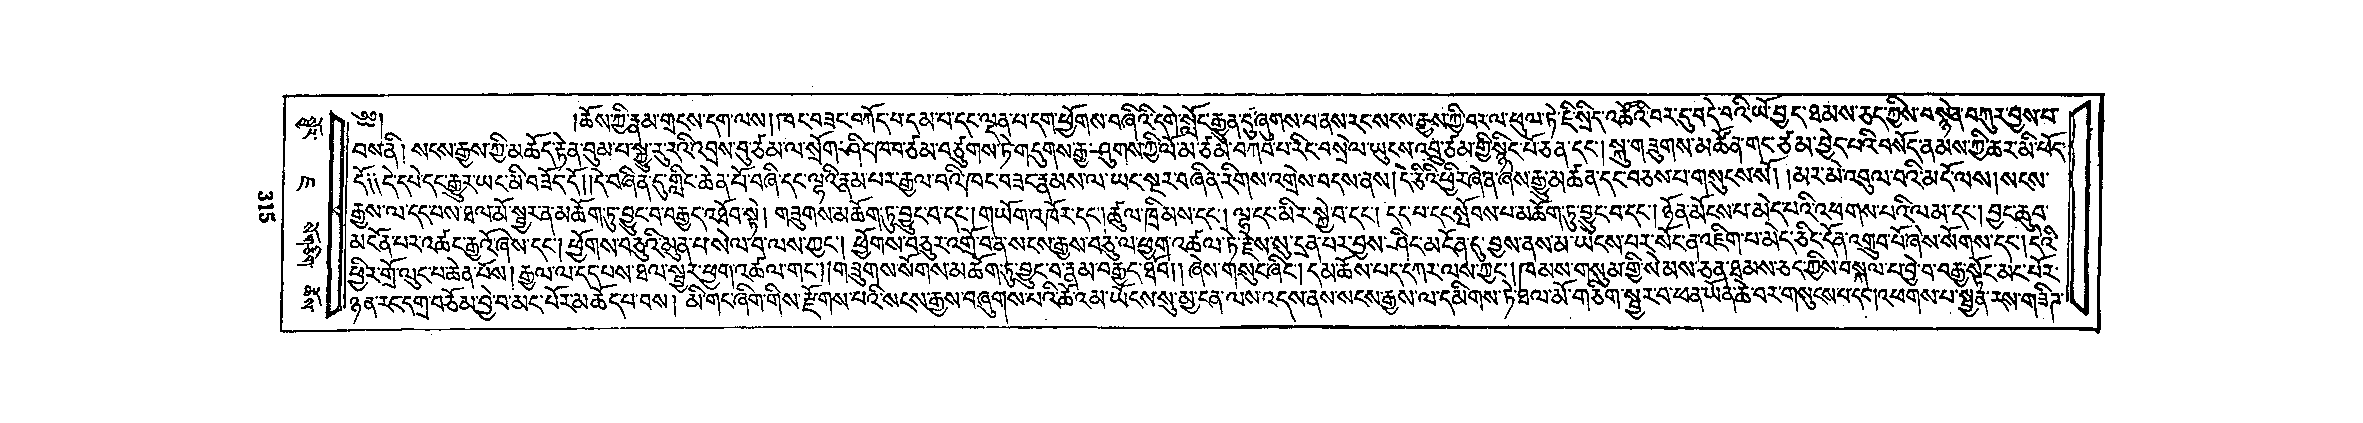༄༅། །ཆོས་ཀྱི་རྣམ་གྲངས་དག་ལས། ཁང་བཟང་བཀོད་པ་དམ་པ་དང་ལྡན་པ་དག་ཕྱོགས་བཞིའི་དགེ་སློང་རྒྱུན་དུ་ཞུགས་པ་ནས་རང་སངས་རྒྱས་ཀྱི་བར་ལ་ཕུལ་ཏེ་ཇི་སྲིད་འཚོའི་བར་དུ་བདེ་བའི་ཡོ་བྱད་ཐམས་ཅད་ཀྱིས་བསྙེན་བཀུར་བྱས་པ་
བས་ནི། སངས་རྒྱས་ཀྱི་མཆོད་རྟེན་བུམ་པ་སྐྱུ་རུ་རའི་འབྲས་བུ་ཙམ་ལ་སྲོག་ཤིང་ཁ་བ་ཙམ་བཙུགས་ཏེ་གདུགས་རྒྱ་ཤུགས་ཀྱི་ལོ་མ་ཙམ་བཀབ་པ་རིང་བསྲེལ་ཡུངས་འབྲུ་ཙམ་གྱི་སྙིང་པོ་ཅན་དང་། སྐུ་གཟུགས་མཚོན་གང་ཙམ་བྱེད་པའི་བསོད་ནམས་ཀྱི་ཆར་མི་ཕོད་
དོ། །དེ་དཔེ་དང་རྒྱུར་ཡང་མི་བཟོད་དོ། །དེ་བཞིན་དུ་གླིང་ཆེན་པོ་བཞི་དང་ལྷའི་རྣམ་པར་རྒྱལ་བའི་ཁང་བཟང་རྣམས་ལ་ཡང་སྔར་བཞིན་རིགས་འགྲེས་བདས་ནས། དེ་ཅིའི་ཕྱིར་ཞེ་ན་ཞེས་རྒྱུ་མཚན་དང་བཅས་པ་གསུངས་སོ། །མར་མེ་འབུལ་བའི་མདོ་ལས། སངས་
རྒྱས་ལ་དད་པས་ཐལ་མོ་སྦྱར་ན་མཆོག་ཏུ་བྱུང་བ་བརྒྱད་འཐོབ་སྟེ། གཟུགས་མཆོག་ཏུ་བྱུང་བ་དང་། གཡོག་འཁོར་དང་། ཚུལ་ཁྲིམས་དང་། ལྷ་དང་མིར་སྐྱེ་བ་དང་། དད་པ་དང་སྤོབས་པ་མཆོག་ཏུ་བྱུང་བ་དང་། ཉོན་མོངས་པ་མེད་པའི་འཕགས་པའི་ལམ་དང་། བྱང་ཆུབ་
མངོན་པར་འཚང་རྒྱའོ་ཞེས་དང་། ཕྱོགས་བཅུའི་མུན་པ་སེལ་བ་ལས་ཀྱང་། ཕྱོགས་བཅུར་འགྲོ་བ་ན་སངས་རྒྱས་བཅུ་ལ་ཕྱག་འཚལ་ཏེ་རྗེས་སུ་དྲན་པར་བྱས་ཤིང་མངོན་དུ་བྱས་ནས་མ་ཡེངས་པར་སོང་ན་འཇིག་པ་མེད་ཅིང་དོན་འགྲུབ་པོ་ཞེས་སོགས་དང་། དེའི་
ཕྱིར་གྲོ་ལུང་པ་ཆེན་པོས། རྒྱལ་ལ་དད་པས་ཐལ་སྦྱར་ཕྱག་འཚལ་གང་། །གཟུགས་སོགས་མཆོག་ཏུ་བྱུང་བ་རྣམ་བརྒྱད་ཐོབ། །ཞེས་གསུང་ཞིང་། དམ་ཆོས་པད་དཀར་ལས་ཀྱང་། ཁམས་གསུམ་གྱི་སེམས་ཅན་ཐམས་ཅད་ཀྱིས་བསྐལ་པ་བྱེ་བ་བརྒྱ་སྟོང་མང་པོར་
ཉན་རང་དགྲ་བཅོམ་བྱེ་བ་མང་པོར་མཆོད་པ་བས། མི་གང་ཞིག་གིས་རྫོགས་པའི་སངས་རྒྱས་བཞུགས་པའི་ཚེ་འམ་ཡོངས་སུ་མྱ་ངན་ལས་འདས་ནས་སངས་རྒྱས་ལ་དམིགས་ཏེ་ཐལ་མོ་གཅིག་སྦྱར་བ་ཕན་ཡོན་ཆེ་བར་གསུངས་པ་དང་། འཕགས་པ་སྤྱན་རས་གཟིགས་